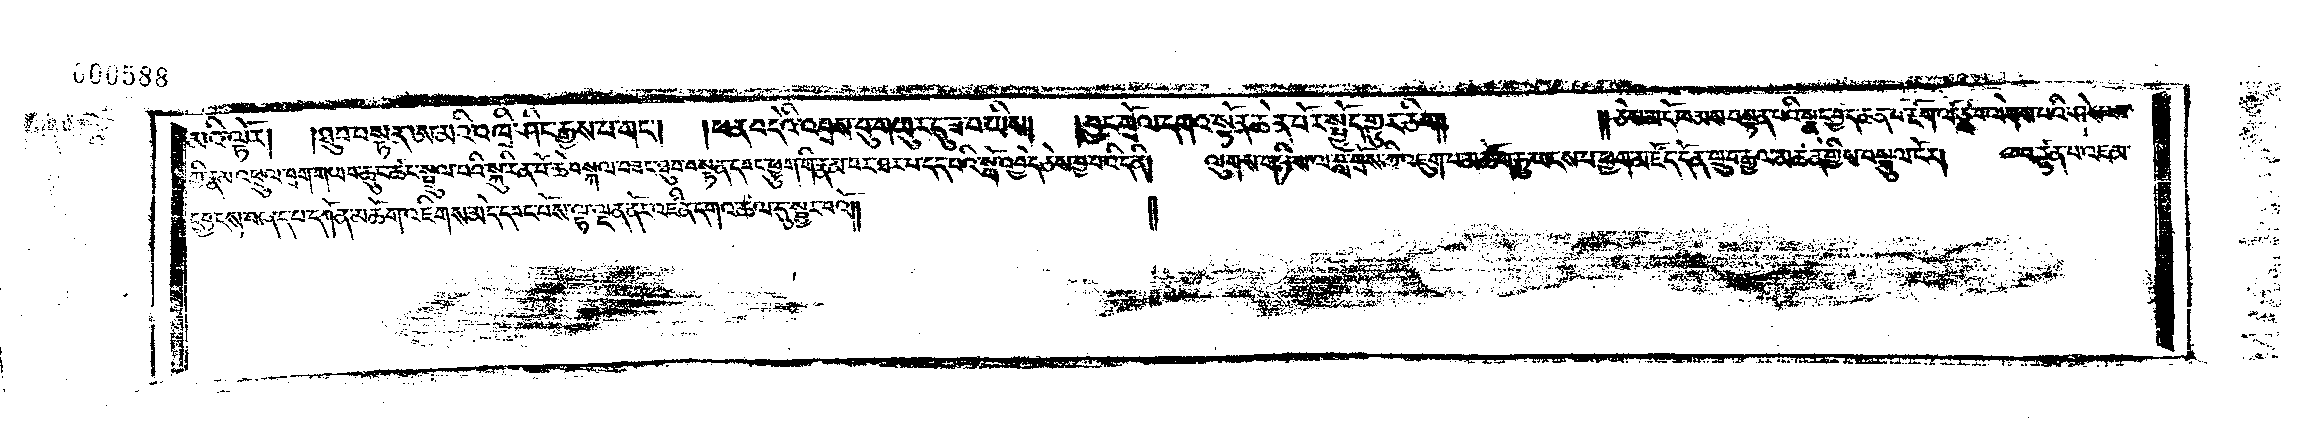མའི་ལྟོར། །ཐུབ་བསྟན་ཨ་མྲའི་འཁྲི་ཤིང་རྒྱས་བ་གནག། །ཕན་བདེའི་འབྲས་བུ་གཡུར་དུ་ཟ་བ་ཡིས། །བྱང་གྲོལ་དགའ་སྟོན་ཆེན་པོར་སྤྱོད་གྱུར་ཅིག། །།ཅེས་མདོ་ཁམས་བསྟན་པའི་སྣང་བྱེད་ཆེན་པོ་རྡོག་ལོ་ཙཱ་བ་ལེགས་པའི་ཤེས་རབ་
ཀྱི་རྣམ་འཕྲུལ་བྲག་གཡབ་ཆུང་ཚང་སྤྲུལ་བའི་སྐུ་རིན་པོ་ཆེ་བསྐལ་བཟང་ཐུབ་བསྟན་དབང་ཕྱུག་གི་རྣམ་བར་ཐར་པ་དད་པའི་སྒོ་འབྱེད་ཅེས་བྱ་བ་འདི་ནི། ལུགས་གཉིས་ལ་བློ་གྲོས་ཀྱི་འཇུག་པ་མཆོག་ཏུ་ཡངས་པ་ཕྱག་མཛོད་དོན་གྲུབ་རྒྱལ་མཚན་གྱིས་བསྐུལ་དོར། ༧་བཙུན་པ་འཇམ་
དབྱངས་བཞད་བ་དཀོན་མཆོག་འཇིགས་མེད་དབང་པོས་ལྷ་ལྡན་ནོར་འཛིན་དགའ་ཚལ་དུ་སྦྱར་བའོ།། །།